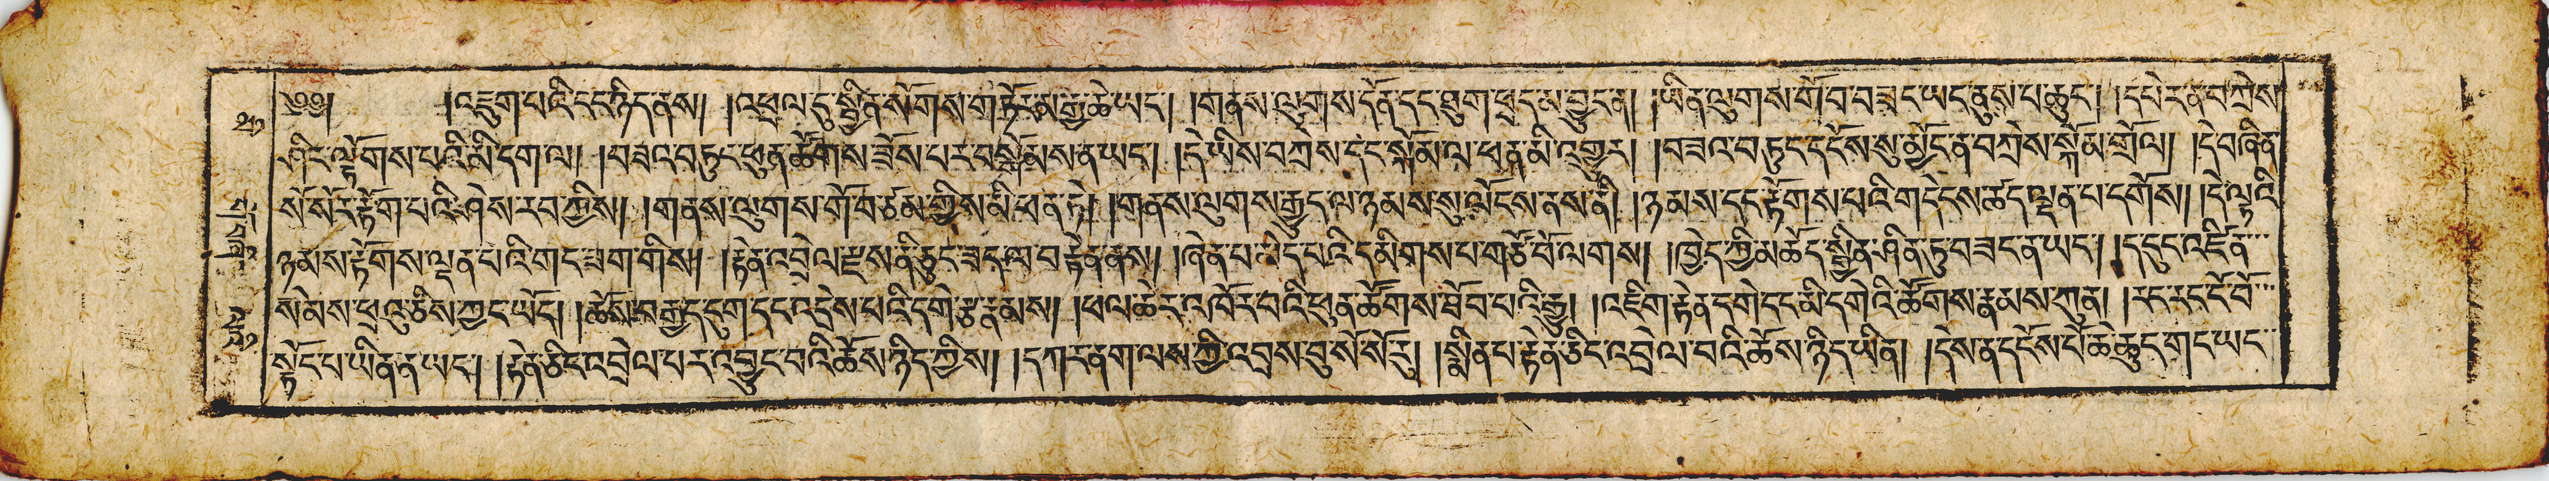འཇུག་པའི་ངང་ཉིད་ནས། །འཕྲལ་དུ་སྦྱིན་སོགས་གཏོང་b རྒྱ་ཆེ་ཡང་། །གནས་ལུགས་དོན་དང་ཐུག་ཕྲད་མ་བྱུང་ན། །ཡིན་ལུགས་གོ བ་བཟང་ཡང་ནུས་པ་ཆུང་། །དཔེར་ན་བཀྲེས་
ཤིང་ལྟོགས་པའི་མི་དག་ལ། །བཟའ་བཏུང་ཕུན་ཚོགས་ཟོས་པར་བསྒོམས་ན་ཡང་། །དེ་ཡིས་བཀྲེས་དང་སྐོམ་ལ་ཕན་མི་འགྱུར། །བཟའ་བཏུང་དངོས་སུ་མྱོང་ན་བཀྲེས་སྐོམ་གྲོལ། །དེ་བཞིན་
སོ་སོར་རྟོག་པའི་ཤེས་རབ་ཀྱིས། །གནས་ལུགས་གོ་བ་ཙམ་གྱིས་མི་ཕན་ཏེ། །གནས་ལུགས་རྒྱུད་ལ་ཉམས་སུ་ཁེངས་ནས་ནི། །ཉམས་དང་རྟོགས་པའི་གདེངས་ཚད་ལྡན་པ་དགོས། །དེ་ལྟའི་
ཉམས་རྟོགས་ལྡན་པའི་གང་ཟག་གིས། །རྟེན་འབྲེལ་རྫས་ནི་ཅུང་ཟད་ལ་བརྟེན་ནས། །ཞེན་པ་མེད་པའི་དམིགས་པ་གཙོ་བོ་ལགས། །ཁྱེད་ཀྱི་མཆོད་སྦྱིན་ཤིན་ཏུ་བཟང་ན་ཡང་། །ད་དུང་འཛིན་
སེམས་ཕྲའུ་ཅིས་ཀྱང་ཡོད། ཆོས་བརྒྱད་དུག་དང་འདྲེས་པའི་དགེ་རྩ་རྣམས། །ཕལ་ཆེར་འཁོར་བའི་ཕུན་ཚོགས་ཐོབ་པའི་རྒྱུ། །འཇིག་རྟེན་དགེ་དང་མི་དགེ་ཚོགས་རྣམས་ཀུན། །རང་རང་ངོ་བོ་
སྟོང་པ་ཡིན་ན་ཡང་། །རྟེན་ཅིང་འབྲེལ་པར་འབྱུང་བའི་ཆོས་ཉིད་ཀྱིས། །དཀར་ནག་ལས་ཀྱི་འབྲས་བུ་སོ་སོ་རུ། །སྨིན་པ་རྟེན་ཅིང་འབྲེལ་བའི་ཆོས་ཉིད་ཡིན། །དེས་ན་དངོས་པོ་ཆེ་ཆུང་གང་ཡང་